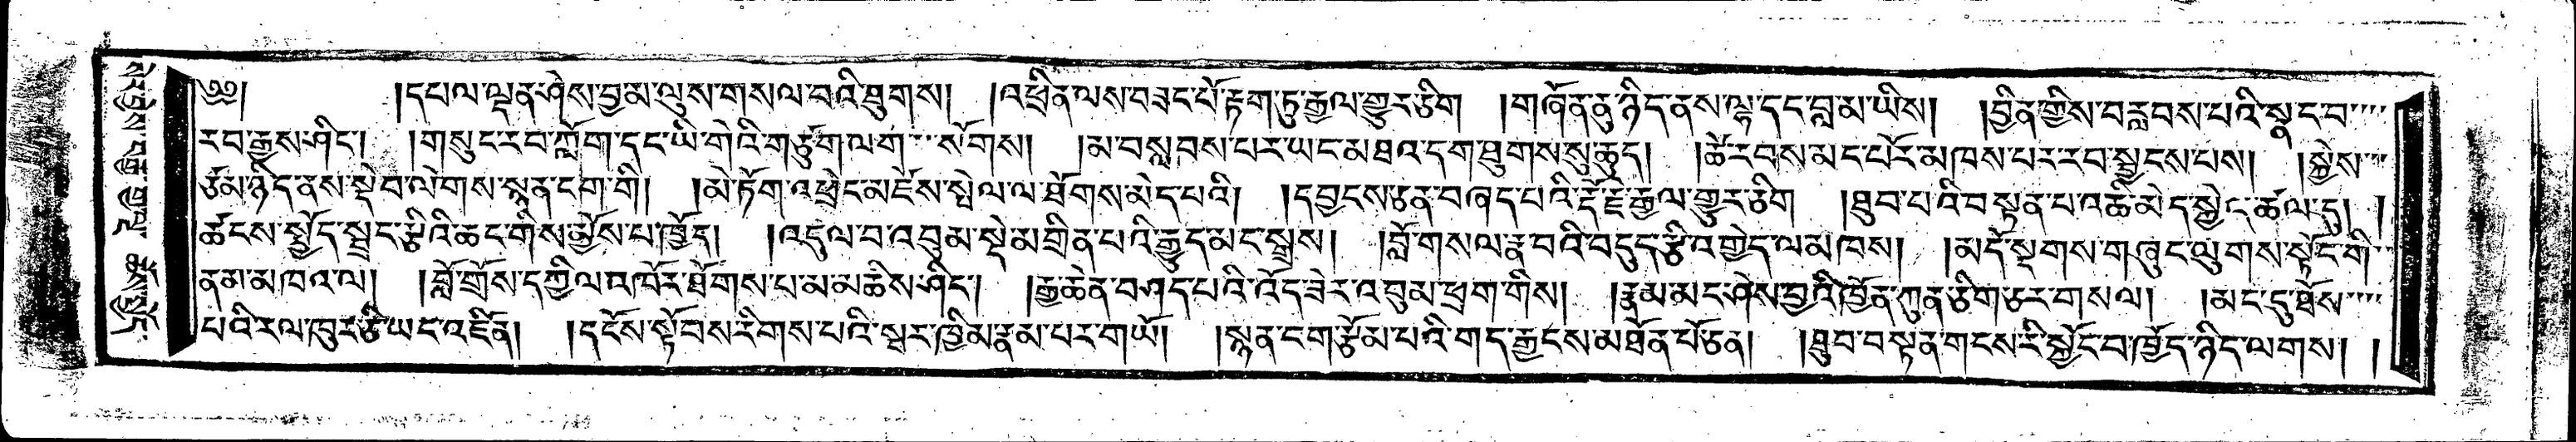༄༅། །དཔལ་ལྡན་ཤེས་བྱ་མ་ལུས་གསལ་བའི་ཐུགས། །འཕྲིན་ལས་བཟང་པོ་རྟག་ཏུ་རྒྱལ་གྱུར་ཅིག །གཞོན་ནུ་ཉིད་ནས་ལྷ་དང་བླ་མ་ཡིས། །བྱིན་གྱིས་བརླབས་པའི་སྣང་བ་
རབ་རྒྱས་ཤིང་། །གསུང་རབ་ཀློག་དང་ཡི་གེའི་གཙུག་ལག་སོགས། །མ་བསླབས་པར་ཡང་མཐའ་དག་ཐུགས་སུ་ཆུད། །ཚེ་རབས་མང་པོར་མཁས་པར་རབ་སྦྱངས་པས། །སྐྱེས་
ཙམ་ཉིད་ནས་སྡེབ་ལེགས་སྙན་ངག་གི། །མེ་ཏོག་འཕྲེང་མཛེས་སྤེལ་ལ་ཐོགས་མེད་པའི། །དབྱངས་ཅན་བཞད་པའི་རྡོ་རྗེ་རྒྱལ་གྱུར་ཅིག །ཐུབ་པའི་བསྟན་པ་འཆི་མེད་སྐྱེད་ཚལ་དུ། །
ཚངས་སྤྱོད་སྦྲང་རྩིའི་ཆང་གིས་མྱོས་པ་ཁྱོད། །འདུལ་བ་འབུམ་སྡེ་མགྲིན་པའི་རྒྱུད་མང་སྒྲས། །བློ་གསལ་རྣ་བའི་བདུད་རྩི་འགྱེད་ལ་མཁས། །མདོ་སྔགས་གཞུང་ལུགས་སྟོང་གི་
ནམ་མཁའ་ལ། །བློ་གྲོས་དཀྱིལ་འཁོར་ཐོགས་པ་མ་མཆིས་ཤིང་། །རྒྱ་ཆེན་བཤད་པའི་འོད་ཟེར་འབུམ་ཕྲག་གིས། །རྣམ་མང་ཤེས་བྱའི་ཁྱོན་ཀུན་ཅིག་ཅར་གསལ། །མང་དུ་ཐོས་
པའི་རལ་ཁུར་ཅི་ཡང་འཛིན། །དངོས་སྟོབས་རིགས་པའི་སྦར་ཁྱིམ་རྣམ་པར་གཡོ། །སྙན་ངག་རྩོམ་པའི་གད་རྒྱངས་མཐོན་པོ་ཅན། །ཐུབ་བསྟན་གངས་རི་སྐྱོང་བ་ཁྱོད་ཉིད་ལགས། །